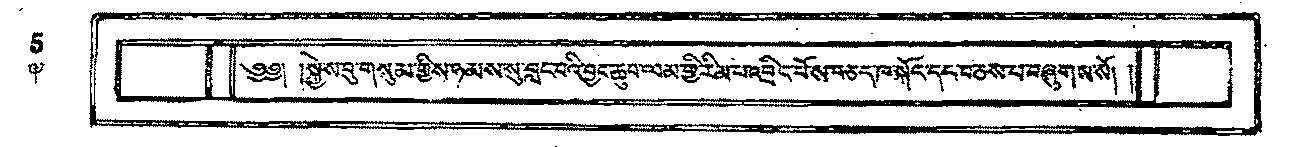༄༅། །སྐྱེས་བུ་གསུམ་གྱིས་ཉམས་སུ་བླང་བའི་བྱང་ཆུབ་ལམ་གྱི་རིམ་པ་འབྲིང་པོ་ས་བཅད་ཁ་སྐོང་དང་བཅས་པ་བཞུགས་སོ། །